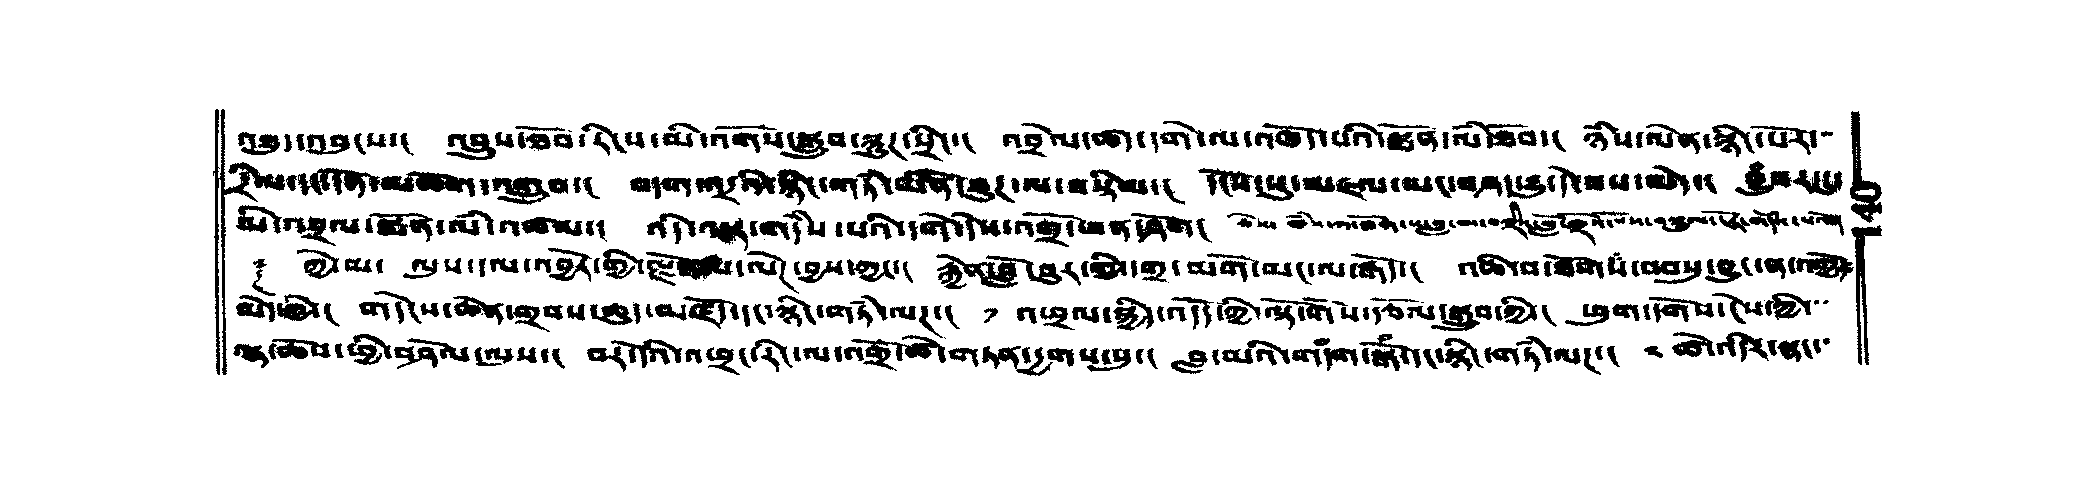འཐུད་འབུངས། །འབྲས་བུ་ཐོབ་རིངས་མི་འགོས་སྒྲུབ་སྙུགས་སྲིང་། །འབྲེལ་ཚད་དགེ་ལ་འཁོད་པའི་སྨོན་ལམ་ཐོབ། །ཉམས་ལེན་སྙིང་པོར་
དྲིལ་དང་དོན་མཆོག་འགྲུབ། །བདག་འདྲའི་སྙིང་གཏམ་ཡིན་ནོ་ཐུགས་ལ་བསྟིམ། །དངོས་སུ་མཇལ་ཡང་བཤད་རྒྱུ་དེ་བས་མེད། །བྱང་ཆུབ་བར་དུ་
མི་འབྲལ་སྨོན་ལམ་འཚལ། །འདི་ལྟར་གདམས་པའི་དགེ་དེས་འགྲོ་ཕན་ཤོག ཅེས་ཁམས་ཀཿཐོག་པ་བླ་མ་བཀྲ་ཤིས་བློ་གྲོས་པོས་བསྐུལ་ངོར་གདམས་པའོ།། 
༈ ཀྱེ་མ། ལུས་དལ་འབྱོར་གྱི་ལྗོན་པ་ལེགས་བྱས་ཀྱང་། །རྐྱེན་བློ་བུར་གྱི་དགྲ་མགོ་མང་ལ་རྒོད། །འཆི་བ་ཐོགས་བབས་སུ་བྱུང་ན་འགྱོད་
མེད་ཀྱི། །གདེངས་ཆེན་གྲབས་ཆུད་མཛོད་དང་སྙིང་གཏམ་ལགས། །འཕྲལ་སྐྱིད་འདོད་ཀྱི་ལྟོ་དགོས་རྩོལ་སྒྲུབ་ཀྱི། །ཕུག་དགོས་ངེས་ཀྱི་
ལྷ་ཆོས་ཕྱི་བཤོལ་ལུས། །བར་དོའི་འཕྲང་རིང་ལ་འགྲོ་ཚེ་གཏན་རྒྱགས་སུ། །བླ་མའི་གདམས་ངག་སྒོམས་དང་སྙིང་གཏམ་ལགས། །ཚེ་འདིར་སྣང་